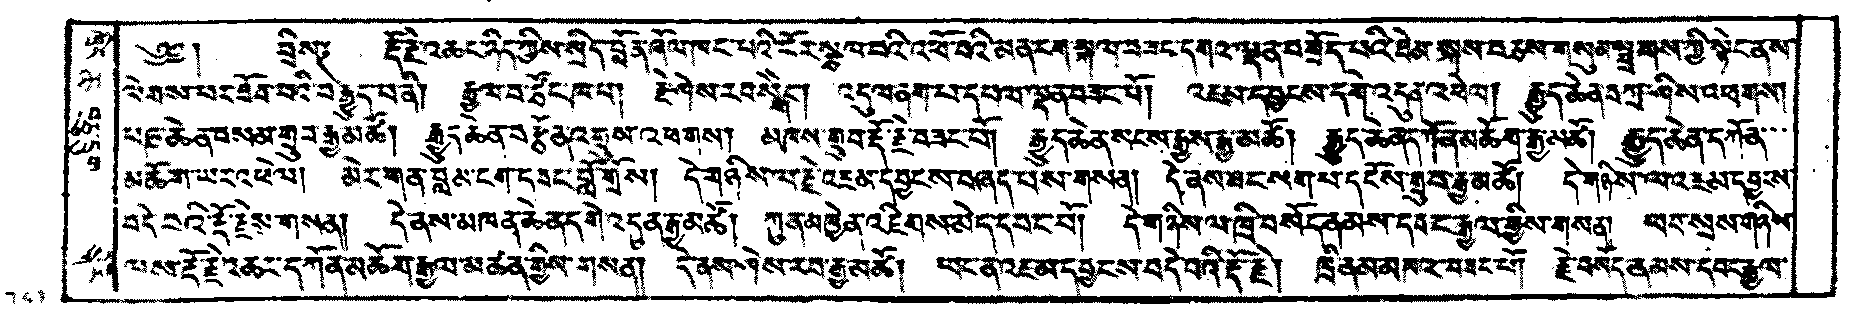༄༅། །བྲིས༑ རྡོ་རྗེ་འཆང་ཉིད་ཀྱིས་སྲིད་བློན་ཞོལ་ཁང་པའི་ངོར་སྩལ་བའི་འཕོ་བའི་མན་ངག་སྐལ་བཟང་དགའ་ལྡན་བགྲོད་པའི་ཐེམ་སྐས་བཅས་གསུམ་སྦྲགས་ཀྱི་སྟེང་ནས་
ལེགས་པར་ཐོབ་པའི་བརྒྱུད་པ་ནི། རྒྱལ་བ་ཙོང་ཁ་པ། རྗེ་ཤེས་རབ་སེངྒེ། འདུལ་ནག་པ་དཔལ་ལྡན་བཟང་པོ། འཇམ་དབྱངས་དགེ་འདུན་འཕེལ། རྒྱུད་ཆེན་བཀྲ་ཤིས་འཕགས།
པཎ་ཆེན་བསམ་གྲུབ་རྒྱ་མཚོ། རྒྱུད་ཆེན་བརྩོན་འགྲུས་འཕགས། མཁས་གྲུབ་རྡོ་རྗེ་བཟང་པོ། རྒྱུད་ཆེན་སངས་རྒྱས་རྒྱ་མཚོ། རྒྱུད་ཆེན་དཀོན་མཆོག་རྒྱ་མཚོ། རྒྱུད་ཆེན་དཀོན་
མཆོག་ཡར་འཕེལ། མེར་གན་བླ་མ་ངག་དབང་བློ་གྲོས། དེ་གཉིས་ལ་རྗེ་འཇམ་དབྱངས་བཞད་པས་གསན། དེ་ནས་ཐང་སག་པ་དངོས་གྲུབ་རྒྱ་མཚོ། དེ་གཉིས་ལ་འཇམ་དབྱངས་
བདེ་བའི་རྡོ་རྗེས་གསན། དེ་ནས་མཁན་ཆེན་དགེ་འདུན་རྒྱ་མཚོ། ཀུན་མཁྱེན་འཇིགས་མེད་དབང་པོ། དེ་གཉིས་ལ་ཁྲི་བསོད་ནམས་དབང་རྒྱལ་གྱིས་གསན། ཡབ་སྲས་གཉིས་
ལས་རྡོ་རྗེ་འཆང་དཀོན་མཆོག་རྒྱལ་མཚན་གྱིས་གསན། དེ་ནས་ཤེས་རབ་རྒྱ་མཚོ། ཡང་ན་འཇམ་དབྱངས་བདེ་བའི་རྡོ་རྗེ། ཁྲི་ནམ་མཁའ་བཟང་པོ། རྗེ་བསོད་ནམས་དབང་རྒྱལ་